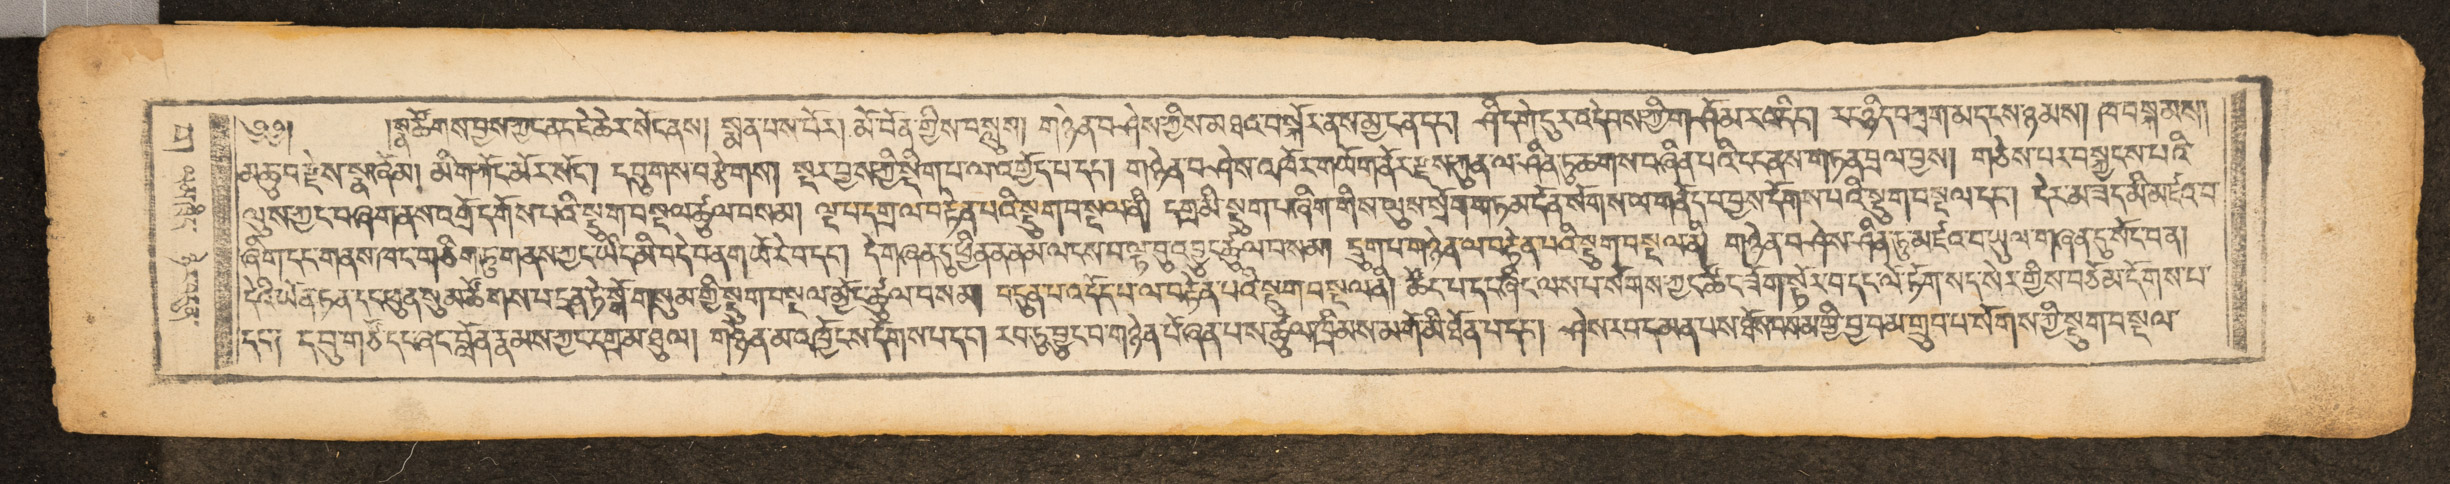༄༅། །སྣ་ཚོགས་བྱས་ཀྱང་ནད་ཇེ་ཆེར་སོང་ནས། སྨན་པས་བོར། མོ་བོན་གྱིས་བསླུས། གཉེན་བཤེས་ཀྱིས་མཐའ་བསྐོར་ནས་མྱ་ངན་དང་། ཤི་དགེ་དུར་འདེབས་ཀྱི་གཤོམ་ར་འདིང་། རང་ཉིད་བཀྲག་མདངས་ཉམས། ཁ་བསྐམས།
མཆུ་བརྫེས་སྣ་ཞོམ། མིག་ཀོད་མོར་སོང་། དབུགས་བརྩེགས། སྔར་བྱས་ཀྱི་སྡིག་པ་ལ་འགྱོད་པ་དང་། གཉེན་བཤེས་འཁོར་གཡོག་ནོར་རྫས་ཀུན་ལ་ཤིན་ཏུ་ཆགས་བཞིན་པའི་ངང་ནས་གཏན་བྲལ་བྱས། གཅེས་པར་བསྐྱངས་པའི་
ལུས་ཀྱང་བཞག་ནས་འགྲོ་དགོས་པའི་སྡུག་བསྔལ་ཚུལ་བསམ། ལྔ་པ་དགྲ་ལ་བརྟེན་པའི་སྡུག་བསྔལ་ནི། དགྲ་མི་སྡུག་པ་ཞིག་གིས་ལུས་སྲོག་གཏམ་དོན་སོགས་ལ་གནོད་པ་བྱས་དོགས་པའི་སྡུག་བསྔལ་དང་། དེར་མ་ཟད་མི་མཛའ་བ་
ཞིག་དང་གནས་ཁང་གཅིག་ཏུ་གནས་ཀྱང་ཡིད་མི་བདེ་བ་ནག་ཡོ་རེ་བ་དང་། དེ་གཞན་དུ་ཕྱིན་ན་ནམ་ལངས་པ་ལྟ་བུ་འབྱུང་ཚུལ་བསམ། དྲུག་པ་གཉེན་ལ་བརྟེན་པའི་སྡུག་བསྔལ་ནི། གཉེན་བཤེས་ཤིན་ཏུ་མཛའ་བ་ཡུལ་གཞན་དུ་སོང་བ་ན།
དེའི་ཡོན་ཏན་དང་ཕུན་སུམ་ཚོགས་པ་དྲན་ཏེ་སྒོ་གསུམ་གྱི་སྡུག་བསྔལ་མྱོང་ཚུལ་བསམ། བདུན་པ་འདོད་པ་ལ་བརྟེན་པའི་སྡུག་བསྔལ་ནི། ཚོང་པ་དང་ཞིང་ལས་པ་སོགས་ཀྱང་ཚོད་ཟོག་སྟོར་བ་དང་ལོ་ཏོག་སད་སེར་གྱིས་བཅོམ་དོགས་པ་
དང༑ དབུ་གཙོ་དང་ཞང་བློན་རྣམས་ཀྱང་དགྲ་མ་ཐུལ། གཉེན་མ་འཁྱོངས་དོགས་པ་དང་། རབ་ཏུ་བྱུང་བ་གཉེན་པོ་ཞན་པས་ཚུལ་ཁྲིམས་མགོ་མི་ཐོན་པ་དང་། ཤེས་རབ་དམན་པས་ཐོས་བསམ་གྱི་བྱ་བ་མ་གྲུབ་པ་སོགས་ཀྱི་སྡུག་བསྔལ་